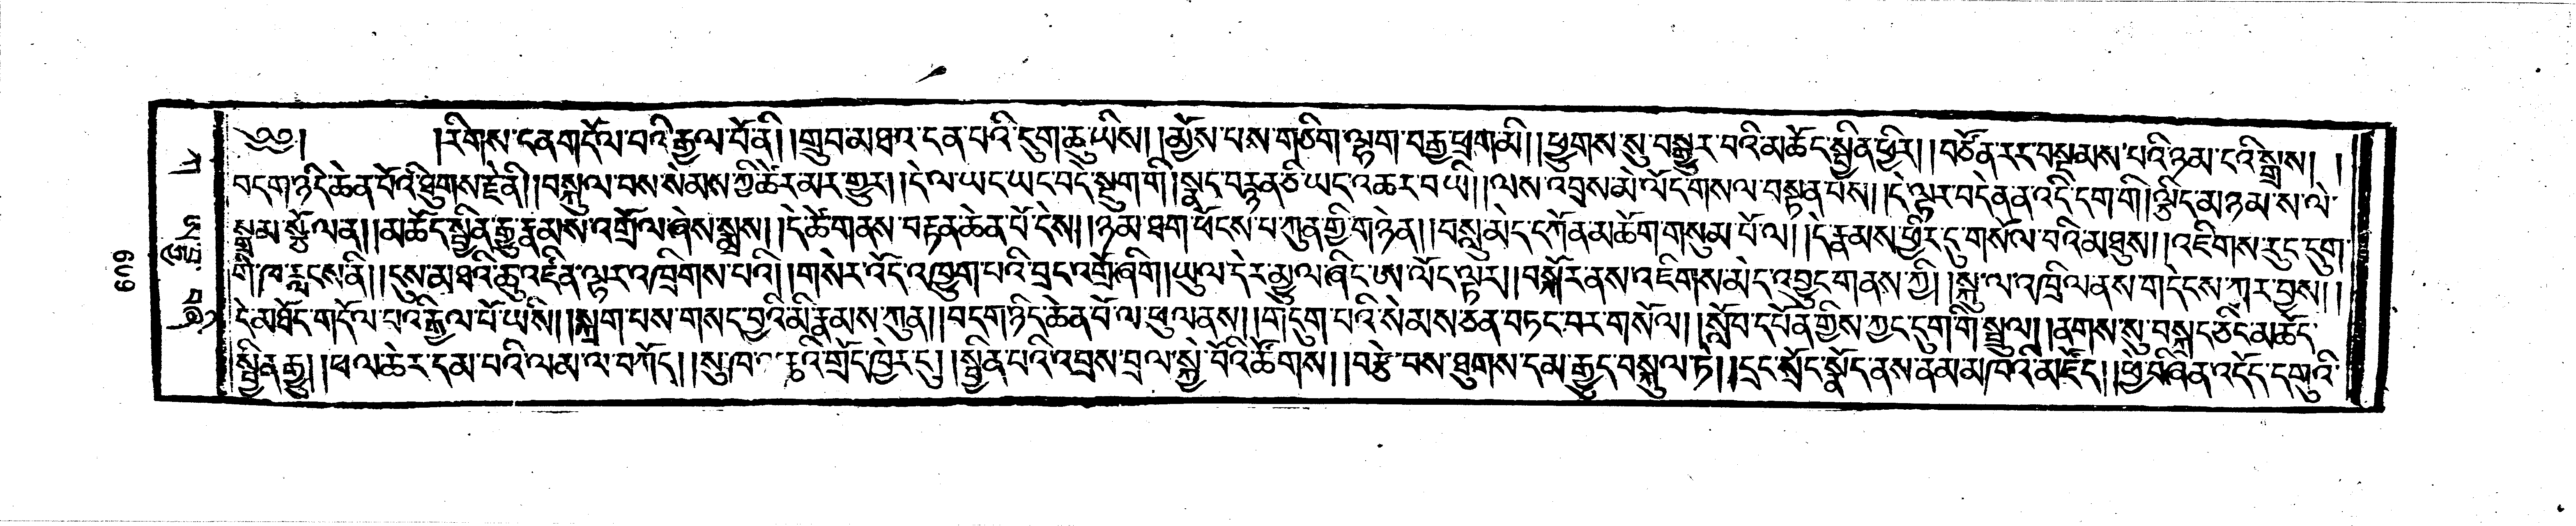༄༅། །རིགས་ངན་གདོལ་པའི་རྒྱལ་པོ་ནི། །གྲུབ་མཐའི་ངན་པའི་དུག་ཆུ་ཡིས། །མྱོས་པས་གཅིག་ལྷག་བརྒྱ་ཕྲག་མི། །ཕྱུགས་སུ་བསྒྱུར་བའི་མཆོད་སྦྱིན་ཕྱིར། །བཙོན་རར་བསྔམས་པའི་ཉམ་པའི་སྒྲས། །
བདག་ཉིད་ཆེན་པོའི་ཐུགས་རྗེ་ནི། །བསྐུལ་བས་སེམས་ཀྱི་ཚེར་མར་གྱུར། །དེ་ལ་ཡང་ཡང་བདེ་སྡུག་གི །སྣང་བརྙན་ཅི་ཡང་འཆར་བ་ཡི། །ལས་འབྲས་མེ་ལོང་གསལ་བསྟན་པས། །དེ་ལྟར་བདེན་ན་འདི་དག་གི །ལྕིང་མཉམ་ས་ལེ་
སྦྲམ་སྩོལ་ན། །མཆོད་སྦྱིན་རྒྱུ་རྣམས་འགྲོལ་ཞེས་སྨྲས། །དེ་ཚེ་གནས་བརྟན་ཆེན་པོ་དེས། །ཉམ་ཐག་ཕོངས་པ་ཀུན་གྱི་གཉེན། །བསླུ་མེད་དཀོན་མཆོག་གསུམ་པོ་ལ། །དེ་རྣམས་ཕྱིར་དུ་གསོལ་བའི་མཐུས། །འཇིགས་རུང་དུག་
གི་ཁ་རླངས་ནི། །དུས་མཐའི་ཆུ་འཛིན་ལྟར་འཁྲིགས་པའི། །གསེར་འོད་འཁྱུག་པའི་བྲང་འགྲོ་ཞིག །ཡུལ་དེར་མྱུལ་ཞིང་ཨ་ལོང་ལྟར། །བསྐོར་ནས་འཇིགས་མེད་འབྱུང་གནས་ཀྱི། །སྐུ་ལ་འཁྲིལ་ནས་གདེངས་ཀར་བྱས། །
དེ་མཐོང་གདོལ་པའི་རྒྱལ་པོ་ཡིས། །སྐྲག་པས་གསང་བྱའི་མི་རྣམས་ཀུན། །བདག་ཉིད་ཆེན་པོ་ལ་ཕུལ་ནས། །གདུག་པའི་སེམས་ཅན་བཏང་བར་གསོལ། །སློབ་དཔོན་གྱིས་ཀྱང་དུག་གི་སྦྲུལ། །ནགས་སུ་བསྐྲད་ཅིང་མཆོད་
སྦྱིན་རྒྱུ། །ཕལ་ཆེར་དམ་པའི་ལམ་ལ་བཀོད། །སུ་ཁ་ཝ་རྞའི་གྲོང་ཁྱེར་དུ། །སྦྱིན་པའི་འབྲས་བྲལ་སྐྱེ་བོའི་ཚོགས། །བརྩེ་བས་ཐུགས་དམ་རྒྱུད་བསྐུལ་ཏེ། །དྲང་སྲོང་སྣོད་ནས་ནམ་མཁའི་མཛོད། །ཕྱེ་བཞིན་འདོད་དགུའི་